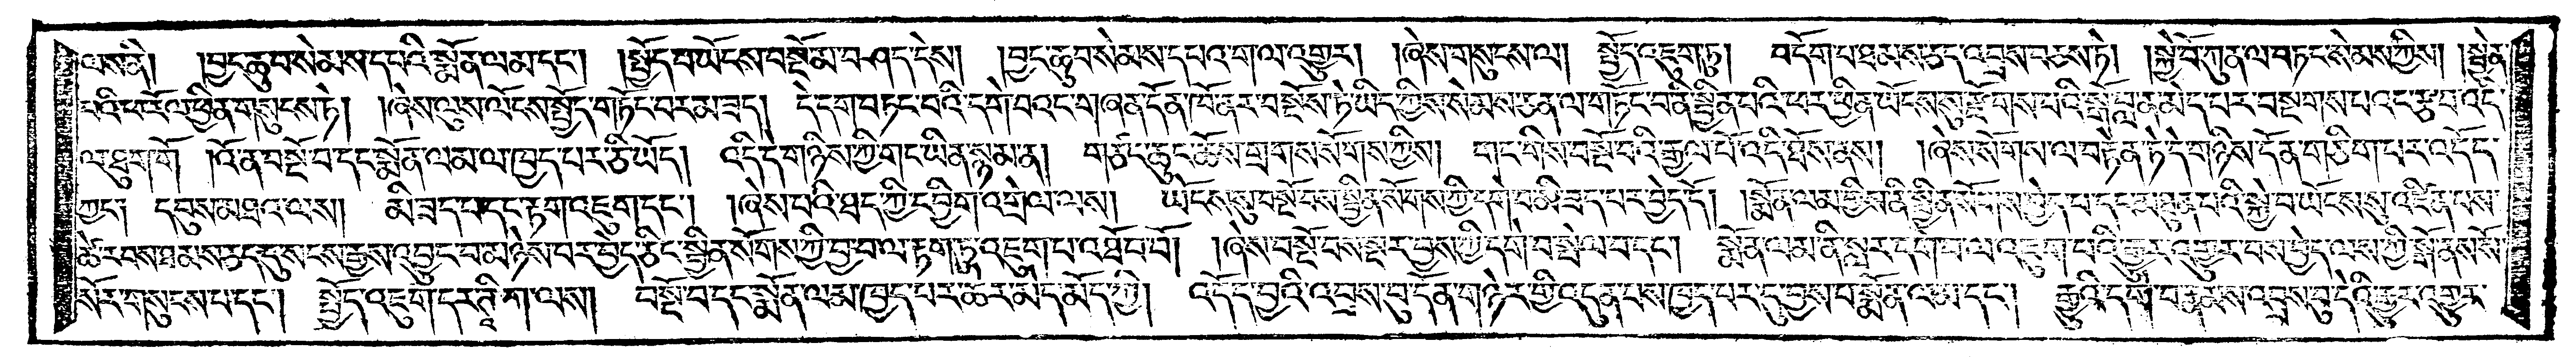ལས་ནི། །བྱང་ཆུབ་སེམས་དཔའི་སྨོན་ལམ་དང་། །སྤྱོད་པ་ཡོངས་བསྔོ་མ་བཤད་དེས། །བྱང་ཆུབ་སེམས་དཔའ་ག་ལ་འགྱུར། །ཞེས་གསུངས་ལ། སྤྱོད་འཇུག་ཏུ། བདོག་པ་ཐམས་ཅད་འབྲས་བཅས་ཏེ། །སྐྱེ་བོ་ཀུན་ལ་བཏང་སེམས་ཀྱིས། །སྦྱིན་
པའི་ཕ་རོལ་ཕྱིན་གསུངས་ཏེ། །ཞེས་ལུས་ལོངས་སྤྱོད་གཏོང་བར་མ་ཟད། དེ་དག་བཏང་བའི་དགེ་བའང་གཞན་དོན་ཁོ་ནར་བསྔོས་ཏེ་ཡིད་ཀྱིས་སེམས་ཅན་ལ་གཏོང་བ་ནི་སྦྱིན་བའི་ཕར་ཕྱིན་ཡོངས་སུ་རྫོགས་པའི་སྒོ་བླ་ན་མེད་པར་བསྔགས་པའང་རྩ་བ་འདི་
ལ་ཐུག་གོ། །འོ་ན་བསྔོ་བ་དང་སྨོན་ལམ་ལ་ཁྱད་པར་ཅི་ཡོད། འདི་དག་གཉིས་ཀྱི་གང་ཡིན་སྙམ་ན། གཙང་ཆུང་ཆོས་གྲགས་སོགས་ཀྱིས། གང་གིས་བསྔོ་བའི་རྒྱལ་པོ་འདི་ཐོས་ནས། །ཞེས་སོགས་ལ་བརྟེན་ཏེ་དེ་གཉིས་དོན་གཅིག་པར་འདོད་
ཀྱང་། དབུས་མཐའ་ལས། མི་ཟད་བ་དང་རྟག་འཇུག་དང་། །ཞེས་བའི་ཐད་ཀྱི་དབྱིག་འགྲེལ་ལས། ཡོངས་སུ་བསྔོ་བས་སྦྱིན་སོགས་ཀྱི་དགེ་བ་མི་བཟད་པར་བྱེད་དོ། །སྨོན་ལམ་གྱིས་ནི་སྦྱིན་སོགས་བྱེད་པ་དང་མཐུན་པའི་སྐྱེ་བ་ཡོངས་སུ་འཛིན་པས་
ཚེ་རབས་ཐམས་ཅད་དུ་སངས་རྒྱས་འབྱུང་བ་མཉེས་བར་བྱེད་ཅིང་སྦྱིན་སོགས་ཀྱི་བྱ་བ་ལ་རྟག་ཏུ་འཇུག་པ་འཐོབ་བོ། །ཞེས་བསྔོ་བས་སྔར་བྱས་ཀྱི་དགེ་བ་སྤེལ་བ་དང་། སྨོན་ལམ་ནི་སླར་དགེ་བ་ལ་འཇུག་པའི་རྒྱུར་འགྱུར་བས་བྱེད་ལས་ཀྱི་སྒོ་ནས་སོ་
སོར་གསུངས་པ་དང་། སྤྱོད་འཇུག་དར་ཊཱིཀ་ལས། བསྔོ་བ་དང་སྨོན་ལམ་ཁྱད་པར་ཆར་མེད་མོད་ཀྱི། འདོད་བྱའི་འབྲས་བུ་དོན་གཉེར་གྱི་འདུན་པས་ཁྱད་པར་དུ་བྱས་བ་སྨོན་ལམ་དང་། རྒྱུའི་དགེ་བ་རྣམས་འབྲས་བུ་དེའི་རྒྱུར་འགྱུར་